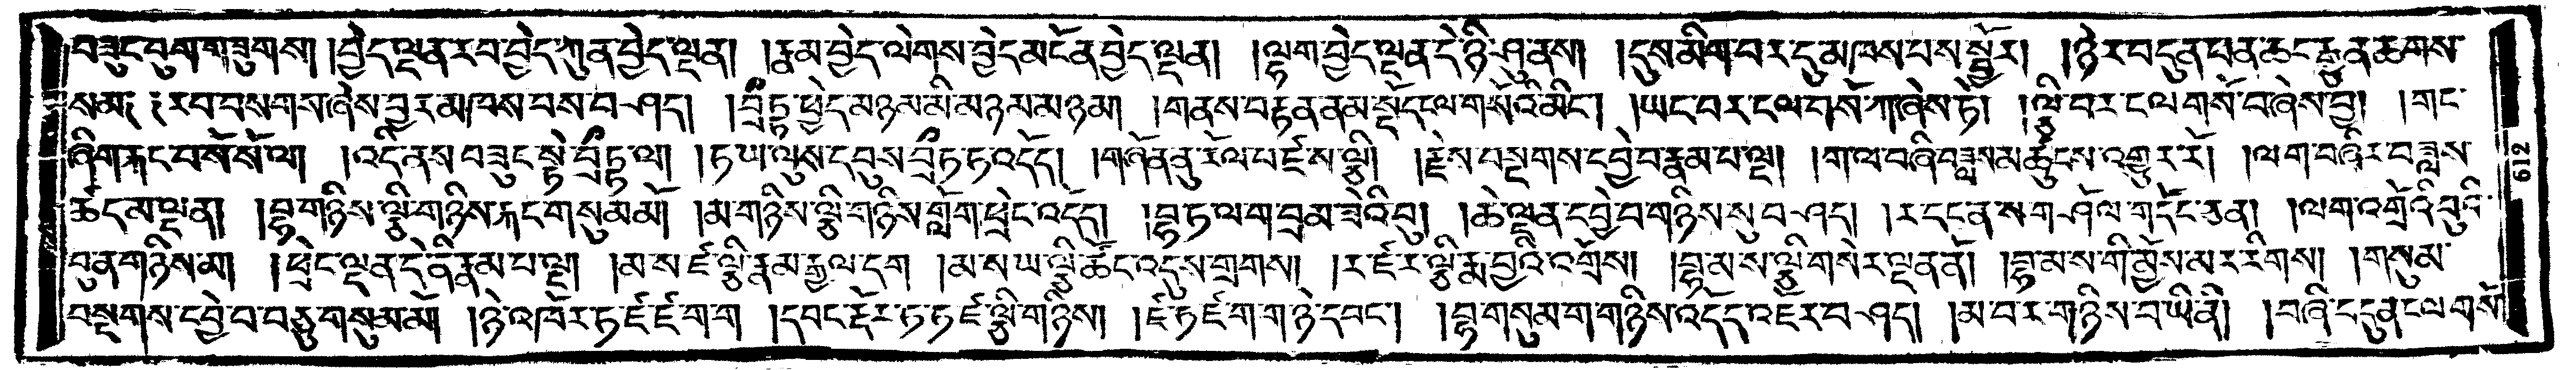བཟུང་བུག་གཟུགས། །བྱེད་ལྡན་རབ་བྱེད་ཀུན་བྱེད་ལྡན། །རྣམ་བྱེད་ལེགས་བྱེད་མངོན་བྱེད་ལྡན། །ལྷག་བྱེད་ལྡན་དེ་ཉི་ཤུ་ནས། །དུས་མིག་པར་དུ་མཁས་པས་སྦྱོར། །ཉེར་བདུན་ཕན་ཆད་རྒྱུན་ཆགས་
སམ། །རབ་བསགས་ཞེས་བྱར་མཁས་པས་བཤད། །བྲྀཏྟ་ཕྱེད་མཉམ་མི་མཉམ་མཉམ། །གནས་བརྟན་ནམ་སྡོད་ངལ་གསོའི་མིང་། །ཡང་བར་ངལ་གསོ་ཀ་ཞེས་ཏེ། །ལྕི་བར་ངལ་གསོ་བ་ཞེས་བྱ། །གང་
ཞིག་རྐང་བ་སོ་སོ་ལ། །འདི་ནས་བཟུང་སྟེ་བྲྀཏྟ་ལ། །ཏ་ཡ་ལུས་དབུས་བྲྀཏ་ཏ་འདོད། །གཞོན་ནུ་རོལ་པ་ཛ་ས་ལྕི། །རྗེས་བསྔགས་དབྱེ་བ་རྣམ་པ་ལྔ། །གལ་བཞི་བཟླས་མཚུངས་འགྱུར་རོ། །ལག་བཞིར་བཟླས་
ཚད་མ་ལྡན། །བྷ་གཉིས་ལྕི་གཉིས་རྐང་གསུམ་མོ། །མ་གཉིས་ལྕི་གཉིས་གློག་ཕྲེང་འདོད། །བྷ་ཏ་ལ་ག་བྲམ་ཟེའི་བུ། །ཆེ་ལྡན་དབྱེ་བ་གཉིས་སུ་བཤད། །ར་དང་ན་ས་གཤོལ་གདོང་ཅན། །ལག་འགྲོའི་བུའི་
བུ་ན་གཉིས་མ། །ཕྲེང་ལྡན་དེ་ནི་རྣམ་པ་ལྔ། །མ་ས་ཛ་ལྕི་རྣམ་རྒྱལ་དག། །མ་ས་ཡ་ལྕི་ཚོང་འདུས་གྲགས། །ར་ཛ་ར་ལྕི་རྨ་བྱའི་འགྲོས། །བྷ་མ་ས་ལྕི་གསེར་ལྡན་ནོ། །བྷ་མ་ས་གི་མྱོས་མར་རིགས། །གསུམ་
བསྔགས་དབྱེ་བ་བཅུ་གསུམ་མོ། །ཉེ་འཁོར་ཏ་ཛ་ཛ་ག་ག །དབང་རྡོར་ཏ་ཏ་ཛ་ལྕི་གཉིས། །ཛ་ཏ་ཛ་ག་ག་ཉེ་དབང་། །བྷ་གསུམ་ག་གཉིས་འདོད་འཇོར་བཤད། །མ་བ་ར་གཉིས་བ་ཡི་ནི། །བཞི་བདུན་ངལ་གསོ་